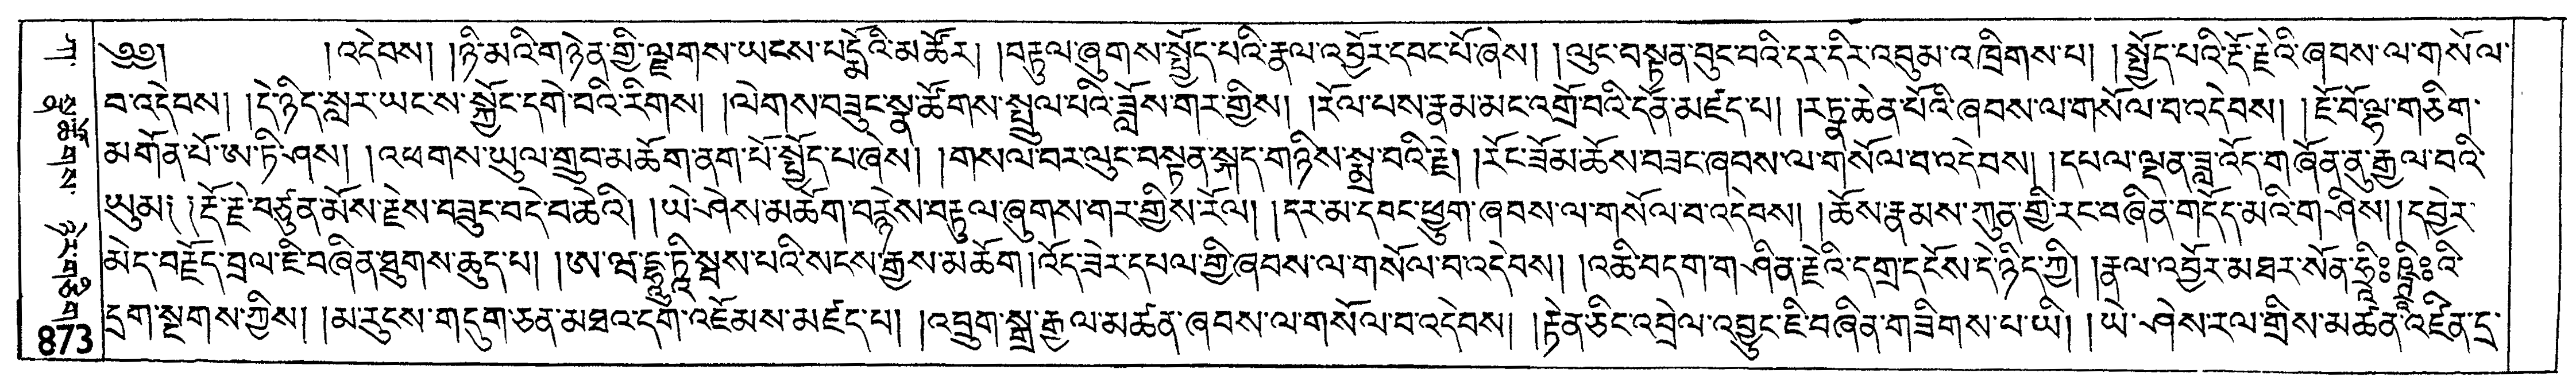༄༅། །འདེབས། །ཉི་མའི་གཉེན་གྱི་ལྗགས་ཡངས་པདམོའི་མཚོར། །བརྟུལ་ཞུགས་སྤྱོད་པའི་རྣལ་འབྱོར་དབང་པོ་ཞེས། །ལུང་བསྟན་བུང་བའི་དར་དིར་འབུམ་འཁྲིགས་པ། །སྤྱོད་པའི་རྡོ་རྗེའི་ཞབས་ལ་གསོལ་
བ་འདེབས། །དེ་ཉིད་སླར་ཡང་ས་སྐྱོང་དགེ་བའི་རིགས། །ལེགས་བཟུང་སྣ་ཚོགས་སྤྲུལ་པའི་ཟློས་གར་གྱིས། །རོལ་པས་རྣམ་མང་འགྲོ་བའི་དོན་མཛད་པ། །རཏྣ་ཆེན་པོའི་ཞབས་ལ་གསོལ་བ་འདེབས། །ཇོ་བོ་ལྷ་གཅིག་
མགོན་པོ་ཨ་ཏི་ཤས། །འཕགས་ཡུལ་གྲུབ་མཆོག་ནག་པོ་སྤྱོད་པ་ཞེས། །གསལ་བར་ལུང་བསྟན་སྐད་གཉིས་སྨྲ་བའི་རྗེ། །རོང་ཟོམ་ཆོས་བཟང་ཞབས་ལ་གསོལ་བ་འདེབས། །དཔལ་ལྡན་ཟླ་འོད་གཞོན་ནུ་རྒྱལ་བའི་
ཡུམ། །རྡོ་རྗེ་བཙུན་མོས་རྗེས་བཟུང་བདེ་བ་ཆེའི། །ཡེ་ཤེས་མཆོག་བརྙེས་བརྟུལ་ཞུགས་གར་གྱིས་རོལ། །དར་མ་དབང་ཕྱུག་ཞབས་ལ་གསོལ་བ་འདེབས། །ཆོས་རྣམས་ཀུན་གྱི་རང་བཞིན་གདོད་མའི་གཤིས། །དབྱེར་
མེད་བརྗོད་བྲལ་ཇི་བཞིན་ཐུགས་ཆུད་པ། །ཨ་ཝ་དྷཱུ་ཏཱི་སྦས་པའི་སངས་རྒྱས་མཆོག །འོད་ཟེར་དཔལ་གྱི་ཞབས་ལ་གསོལ་བ་འདེབས། །འཆི་བདག་གཤིན་རྗེའི་དགྲ་དངོས་དེ་ཉིད་ཀྱི། །རྣལ་འབྱོར་མཐར་སོན་ཧྲཱིཿ ཥྚྲཱིཿ འི་
དྲག་སྔགས་ཀྱིས། །མ་རུངས་གདུག་ཅན་མཐའ་དག་འཇོམས་མཛད་པ། །འབྲུག་སྒྲ་རྒྱལ་མཚན་ཞབས་ལ་གསོལ་བ་འདེབས། །རྟེན་ཅིང་འབྲེལ་འབྱུང་ཇི་བཞིན་གཟིགས་པ་ཡི། །ཡེ་ཤེས་རལ་གྲིས་མཚན་འཛིན་དྲ་